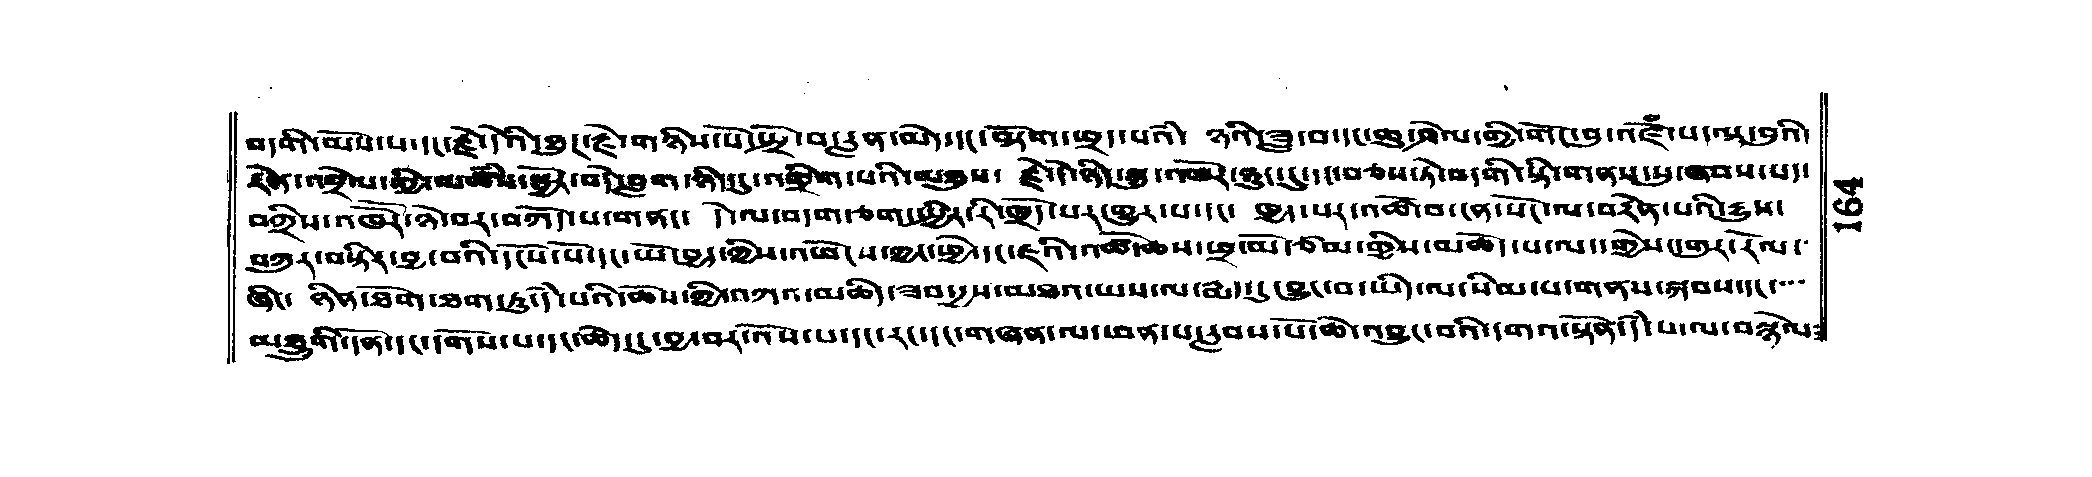བདག་གི་མོས་པ་དང་རྗེ་དེའི་ཐུགས་རྗེ་གཉིས་པོ་སྤྲ་བ་རླན་མེད་དང་མེ་སྟག་ཕྲད་པའམ། ཉའི་ཟླ་བ་དང་ཆུ་ཤེལ་གྱི་གོང་བུ་འཛོམ་པ་ལྟ་བུའི་
རྟེན་འབྲེལ་གྱི་མཚམས་སྦྱོར་བདེ་བླག་ཉིད་དུ་འགྲིག་པའི་མཐུས། རྗེ་དེ་ཉིད་སྐུ་འཁོར་ཉུང་ངུ་དང་བཅས་ཏེ་བདག་གི་བསྟི་གནས་སུ་ཞབས་པད་
བཀའ་དྲིན་གྱི་འཁོར་ལོ་ཉེ་བར་བཀོད་པ་གནང་། དེ་ལ་བདག་ཅག་སྤྱིར་རི་ཁྲོད་པར་གྱུར་པ་དང་། ཁྱད་པར་འཚོ་བ་ངན་ངོན་ལ་བརྟེན་པའི་རྒྱུས་
བཀུར་བསྟིར་བྱ་བའི་དངོས་པོ་དང་ཡོ་བྱད་ཀྱི་འཕོངས་ཀྱང་ཕྱེ་དང་ཇའི་འཚོ་ཆས་ཕྲ་མོ་ཙམ་གྱིས་མཆོད་པ་ལ་དགྱེས་དགུར་རོལ་
ཞིང་།ཉིན་ཐོག་ཐག་ཏུ་དམ་པའི་ཆོས་ཀྱི་བཀའ་མཆིད་ཟབ་རྒྱས་མཐའ་ཡས་ལ་རྨད་དུ་བྱུང་བ་ཡིད་ལ་སིམ་པ་གནས་སྐབས་དང་
མཐར་ཐུག་གི་དོན་དང་དགོས་པ་དང་ཆེད་དུ་བྱ་བར་འོས་པ་དང་རང་དང་གཞན་ལ་ཕན་པ་རླབས་པོ་ཆེ་འབྱུང་བའི་དགའ་སྟོན་དམ་པ་ལ་བསྙེལ་